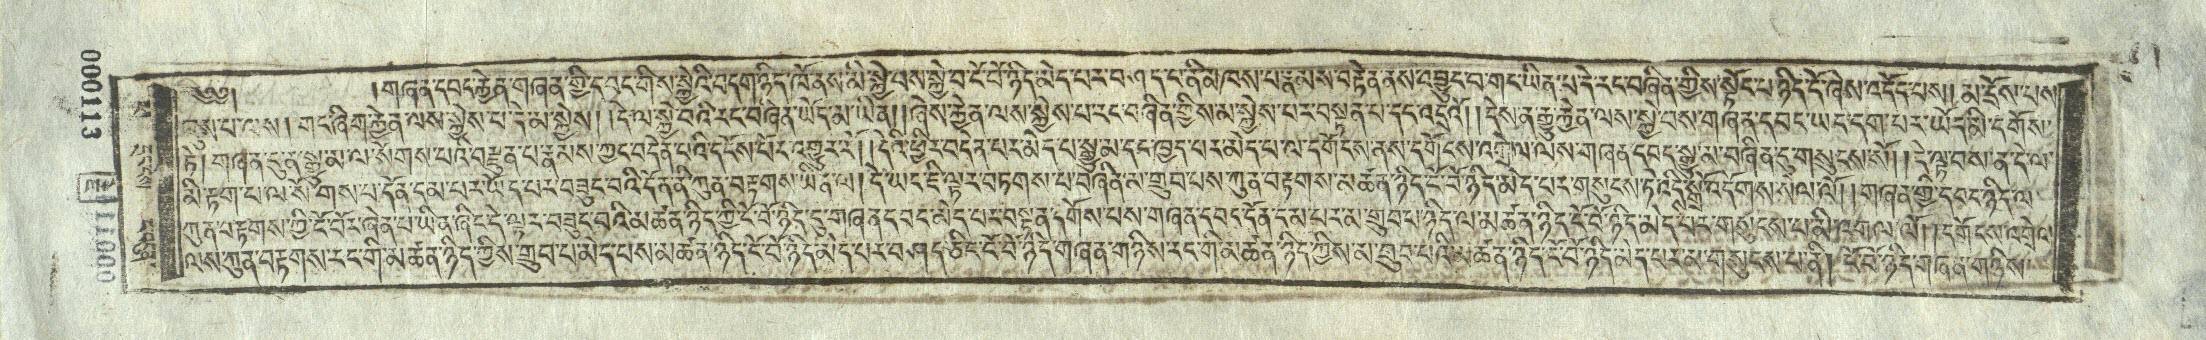༄༅། །གཞན་དབང་རྐྱེན་གཞན་གྱི་དབང་གིས་སྐྱེའི་བདག་ཉིད་ཁོ་ནས་མི་སྐྱེ་བས་སྐྱེ་བ་ངོ་བོ་ཉིད་མེད་པར་བཤད་པ་ནི་མཁས་པ་རྣམས་བརྟེན་ནས་འབྱུང་བ་གང་ཡིན་པ་དེ་རང་བཞིན་གྱིས་སྟོང་པ་ཉིད་དོ་ཞེས་འདོད་པས། མ་དྲོས་པས་
ཞུས་པ་ལས། གང་ཞིག་རྐྱེན་ལས་སྐྱེས་པ་དེ་མ་སྐྱེས། །དེ་ལ་སྐྱེ་བའི་རང་བཞིན་ཡོད་མ་ཡིན། །ཞེས་རྐྱེན་ལས་སྐྱེས་པ་རང་བཞིན་གྱིས་མ་སྐྱེས་པར་བསྟན་པ་དང་འདྲའོ། །དེས་ན་རྒྱུ་རྐྱེན་ལས་སྐྱེ་བས་གཞན་དབང་ཡང་དག་པར་ཡོད་མི་དགོས་
ཏེ༑ གཞན་དུ་ན་སྒྱུ་མ་ལ་སོགས་པའི་བརྫུན་པ་རྣམས་ཀྱང་བདེན་པའི་དངོས་པོར་འགྱུར་རོ། །དེའི་ཕྱིར་བདེན་པར་མེད་པ་སྒྱུ་མ་དང་ཁྱད་པར་མེད་པ་ལ་དགོངས་ནས་དགོངས་འགེལ་ལས་གཞན་དབང་སྒྱུ་མ་བཞིན་དུ་གསུངས་སོ། །དེ་ལྟ་བས་ན་དེ་ལ་
མི་རྟག་པ་ལ་སོགས་པ་དོན་དམ་པར་ཡོད་པར་བཟུང་བའི་དོན་ནི་ཀུན་བརྟགས་ཡིན་ལ། དེ་ཡང་ཇི་ལྟར་བཏགས་པ་བཞིན་མ་གྲུབ་པས་ཀུན་བརྟགས་མཚན་ཉིད་ངོ་བོ་ཉིད་མེད་པར་གསུངས་ཏེ་འདི་སྒྲོ་འདོགས་སེལ་ལོ། །གཞན་གྱི་དབང་ཉིད་ལ་
ཀུན་བརྟགས་ཀྱི་ངོ་བོར་ཞེན་པ་ཡིན་ཞིང་དེ་ལྟར་བཟུང་བའི་མཚན་ཉིད་ཀྱི་ངོ་བོ་ཉིད་དུ་གཞན་དབང་མེད་པར་བསྟན་དགོས་པས་གཞན་དབང་དོན་དམ་པར་མ་གྲུབ་པ་ཉིད་ལ་མཚན་ཉིད་ངོ་བོ་ཉིད་མེད་པར་གསུངས་པ་མི་འགལ་ལོ། །དགོངས་འགྲེལ་
ལས་ཀུན་བརྟགས་རང་གི་མཚན་ཉིད་ཀྱིས་གྲུབ་པ་མེད་པས་མཚན་ཉིད་ངོ་བོ་ཉིད་མེད་པར་བཤད་ཅིང་ངོ་བོ་ཉིད་གཞན་གཉིས་རང་གི་མཚན་ཉིད་ཀྱིས་མ་གྲུབ་པའི་མཚན་ཉིད་ངོ་བོ་ཉིད་མེད་པར་མ་གསུངས་པ་ནི། ངོ་བོ་ཉིད་གཞན་གཉིས་